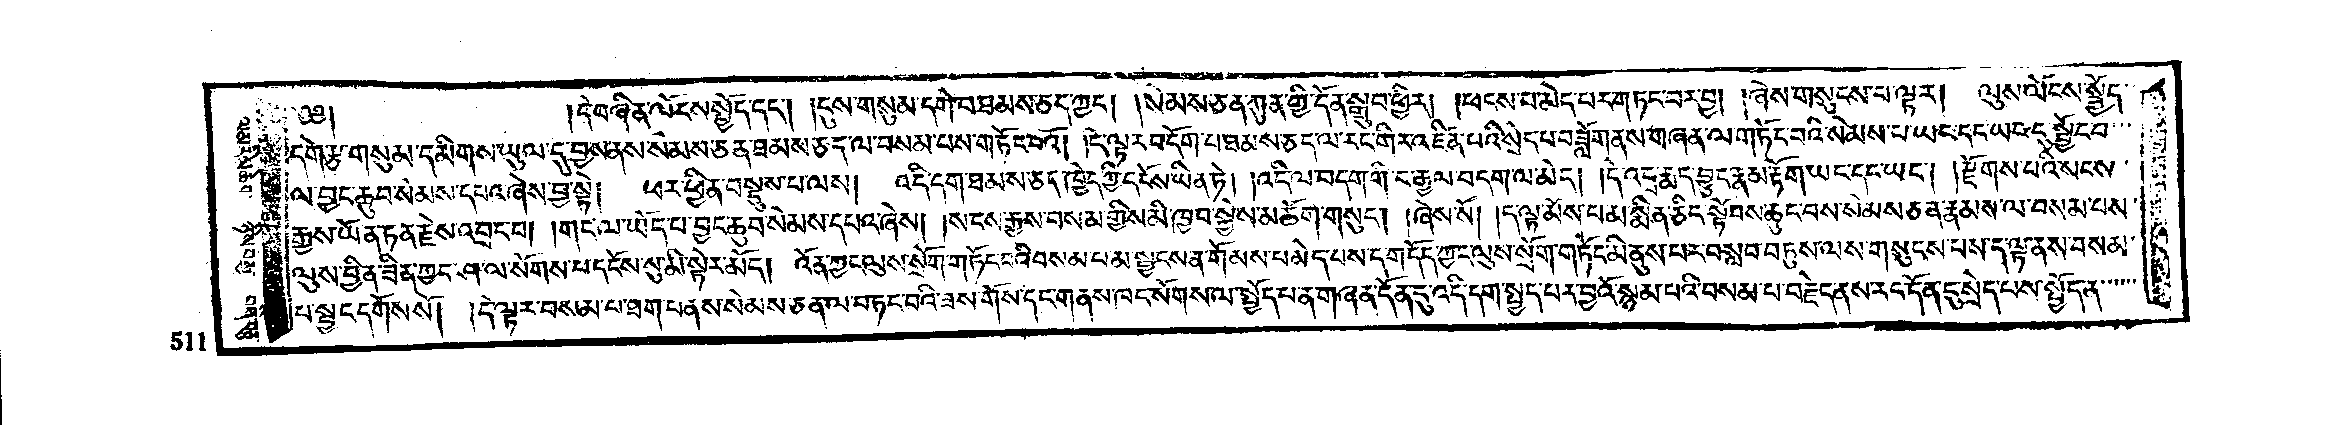༄༅། །དེ་བཞིན་ལོངས་སྤྱོད་དང་། །དུས་གསུམ་དགེ་བ་ཐམས་ཅད་ཀྱང་། །སེམས་ཅན་ཀུན་གྱི་དོན་སྒྲུབ་ཕྱིར། །ཕངས་པ་མེད་པར་གཏང་བར་བྱ། །ཞེས་གསུངས་པ་ལྟར། ལུས་ལོངས་སྤྱོད་
དགེ་རྩ་གསུམ་དམིགས་ཡུལ་དུ་བྱས་ནས་སེམས་ཅན་ཐམས་ཅད་ལ་བསམ་པས་གཏོང་བའོ། །དེ་ལྟར་བདོག་པ་ཐམས་ཅད་ལ་རང་གིར་འཛིན་པའི་སྲེད་པ་བཟློག་ནས་གཞན་ལ་གཏོང་བའི་སེམས་པ་ཡང་དང་ཡང་དུ་སྦྱོང་བ་
ལ་བྱང་ཆུབ་སེམས་དཔའ་ཞེས་བྱ་སྟེ། ཕར་ཕྱིན་བསྡུས་པ་ལས། འདི་དག་ཐམས་ཅད་ཁྱེད་ཀྱི་དངོས་ཡིན་ཏེ། །འདི་ལ་བདག་གི་ང་རྒྱལ་བདག་ལ་མེད། །དེ་འདྲ་རྨད་བྱུང་རྣམ་རྟོག་ཡང་དང་ཡང་། །རྫོགས་པའི་སངས་
རྒྱས་ཡོན་ཏན་རྗེས་འབྲང་བ། །གང་ལ་ཡོད་པ་བྱང་ཆུབ་སེམས་དཔའ་ཞེས། །སངས་རྒྱས་བསམ་གྱིས་མི་ཁྱབ་སྐྱེས་མཆོག་གསུང་། །ཞེས་སོ། །ད་ལྟ་མོས་པ་མ་སྨིན་ཅིང་སྟོབས་ཆུང་བས་སེམས་ཅན་རྣམས་ལ་བསམ་པས་
ལུས་བྱིན་ཟིན་ཀྱང་ཤ་ལ་སོགས་པ་དངོས་སུ་མི་སྟེར་མོད། འོན་ཀྱང་ལུས་སྲོག་གཏོང་བའི་བསམ་པ་མ་སྦྱངས་ན་གོམས་པ་མེད་པས་ད་གདོད་ཀྱང་ལུས་སྲོག་གཏོང་མི་ནུས་པར་བསླབ་བཏུས་ལས་གསུངས་པས་ད་ལྟ་ནས་བསམ་
པ་སྦྱང་དགོས་སོ། །དེ་ལྟར་བསམ་པ་ཐག་པ་ནས་སེམས་ཅན་ལ་བཏང་བའི་ཟས་གོས་དང་གནས་ཁང་སོགས་ལ་སྤྱོད་པ་ན་གཞན་དོན་དུ་འདི་དག་སྤྱད་པར་བྱའོ་སྙམ་པའི་བསམ་པ་བརྗེད་ནས་རང་དོན་དུ་སྲེད་པས་སྤྱོད་ན་